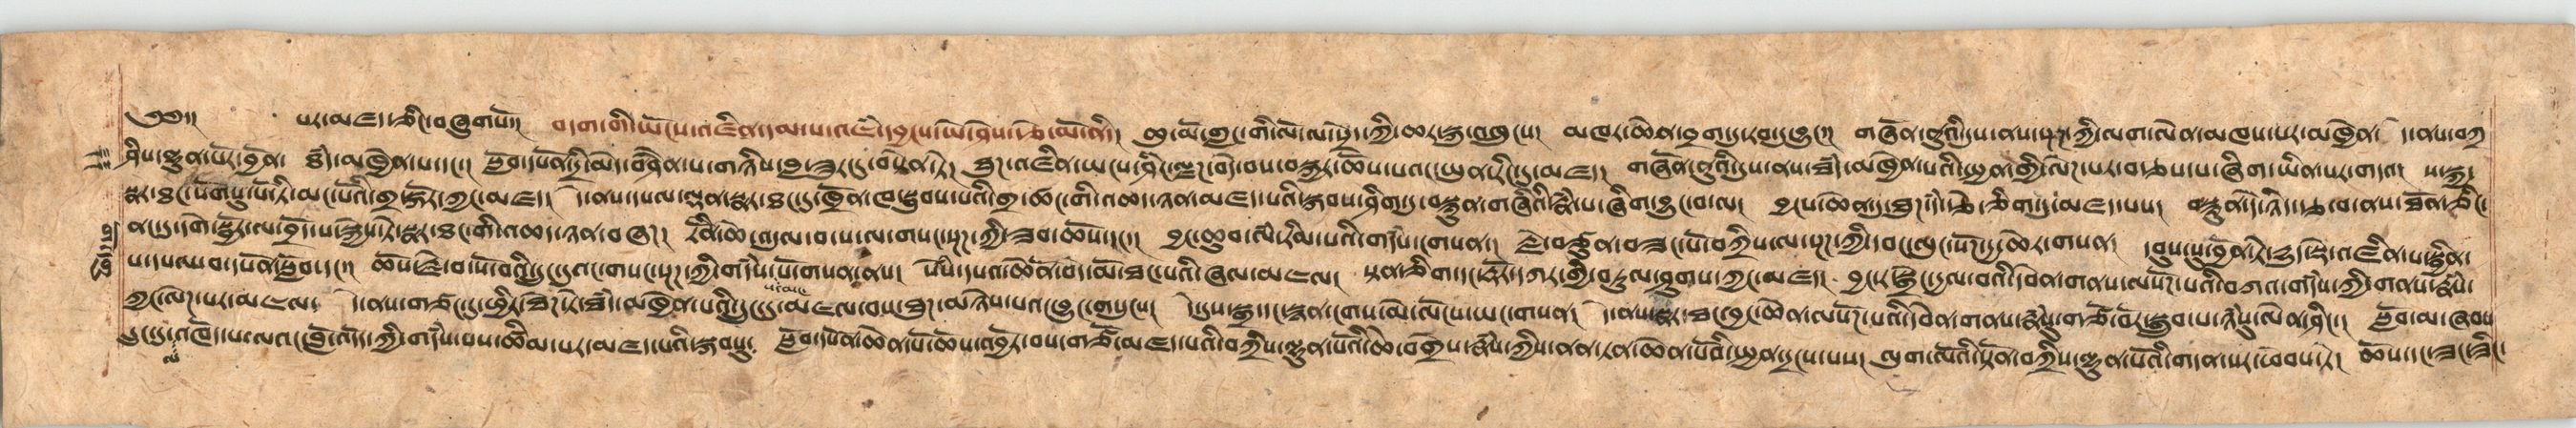༄༅་། པར་མཛད་ཅིང་བཞུགསོ། བདག་གི་ཡོངས་འཛིན་དམ་པ་འཇཾ་དབྱངས་ཡེ་ཤེས་རྩེ་མོ་ནི་། ཆུ་མོ་གླང་གི་ལོ་ལ་སྲོད་ཀྱི་ཆར་སྐུ་འཁྲུངས། མཁར་ཆེན་བྲག་དུ་རབ་ཏུ་བྱུང་། གཞོན་ནུའི་དུས་ནས་སྔཌ་ཀྱི་ལག་ལེན་མཁས་པར་མཁྱེན། དེ་ནས་བཀྲ་
ཤིས་ལྷུན་པོར་བྱོན། ཐཾད་མཁྱེན་པ་དང་། སློབ་དཔོན་དྲི་མེད་བཤཻན་པ་གཉིས་བླ་ཟུར་དུ་བསྟེན་ཏེ། ཐུཌ་འཛིན་ཡངས་ཤིང་ལྗཌ་བདེ་བས་བསྐྱར་ཆོས་པའང་ཡུན་རིང་དུ་མཛད། གཞོན་ནུའི་དུས་ནས་ཐཾད་མཁྱེན་པའི་སྤྱན་གྱི་ལེཌ་པར་བརྩས་པ་ཞིག་ཡིན་པར་གདའ། ས་སྐྱ་
སྣར་ཐང་སོགསུ་པོ་ཏི་མང་པོའི་གྲ་སྐོར་ཀྱང་མཛད། དེ་ནས་དཔལ་ལྡན་སྣར་ཐང་དུ་ཁྲོན་ཁ་སྦུབས་པའི་གྲ་ཚང་གི་འཆད་ཉན་མཛད་པའི་སྐབས་ཤིག་དུ་བསྙུན་གཞིའི་རྣཾ་པ་ཞིག་བྱུང་བ་ལ། བྱངས་ཆེན་དུ་ཐུཌ་དཾ་རྩེ་ཅིག་དུ་མཛད་པས། བསྙུན་དེ་ཉིད་རྩ་བ་ནས་ཐོན་ཅིང་
ནང་དུ་དགེ་སྦྱོར་ལ་བྲོད་པ་སྐྱེས་ཏེ་སྣར་ཐང་གི་འཆད་ཉན་བཞཌ། རིནོ་ཆེ་འདུལ་བ་པ་ལ་གསང་སྔཌ་ཀྱི་ཟབ་ཆོས་དང་། བྱང་ཆུབ་ལཾ་རིམ་པའི་གདཾས་ངགསན། རྗེ་བཙུན་བཟང་པོ་བཀྲིས་ལ་སྔཌ་ཀྱི་དབང་ལུང་སོཌ་དྱ་ཆེར་གསན། དབུས་སུ་བྱོན་ཏེ་དྱུད་སྡེ་འཛིན་པ་སྦྱིན་
པ་དཔལ་བ་དཔོན་སློབ་དང་། ཆོས་རྗེ་བ་སོ་བའི་དྲུང་དུའང་གསང་སྔཌ་ཀྱི་གདཾས་པ་མང་པོ་གསན་ནས། སེཾས་དཔའ་ཆེནོ་བདེ་མོ་ཐང་པའི་ཞལ་མཇལ། སྟན་ཅིག་དང་རྡོར་དཀར་གྱི་བརྟུལ་ཤུགས་ཀྱང་མཛད། བྱང་ར་སྒྲེང་དྱལ་བའི་དབེན་གནས་ལསོཌ་པའི་བཀའ་གདཾས་ཀྱི་གནས་རྣཾས་
ཀྱང་ལེཌ་པར་མཇལ། དེ་ནས་གཙང་དུ་ཕྱིར་ཐོཌ་ཏེ་ཐཾད་མཁྱེན་པའི་དྲུང་དུ་མཇལ་བས་ཐུཌ་མཉེས་པའ་བྱུང་གསུངས། དེ་དུས་སྒྲ་དང་སྙན་ངགས་མེ་ལོངས་ཡང་གསན། དེ་ནས་སྣར་ཐང་བྱང་ཆེན་ལསོཌ་པའི་དབེན་གནས་རྣཾསུ་གཙོ་བོར་སྒྲུབ་པ་ཉཾསུ་ལེན་ཤིང་། སློབ་མ་ཞབས
དྲུང་དུ་འཁོད་པ་ལའང་བློ་འདོད་ཀྱི་གདཾས་བས་ཚིམ་པར་མཛད་པའི་སྐབསུ། སློབ་དཔོན་ཆེན་པོ་ཆོས་འབྱོར་བས་གཙོ་མཛད་པའི་བཀྲིས་ལྷུནཔོའི་ཆེ་བགྲེས་རྣཾས་ཀྱིས་ནན་ཏན་ཆེན་པོའི་སྤྱན་དྲངས་པས། ལུག་ལོའི་སྟོན་བཀྲིས་ལྷུན་པོའི་གདན་སར་ཕེབས་ཏེ། ཆོས་དང་ཟང་ཟིང་